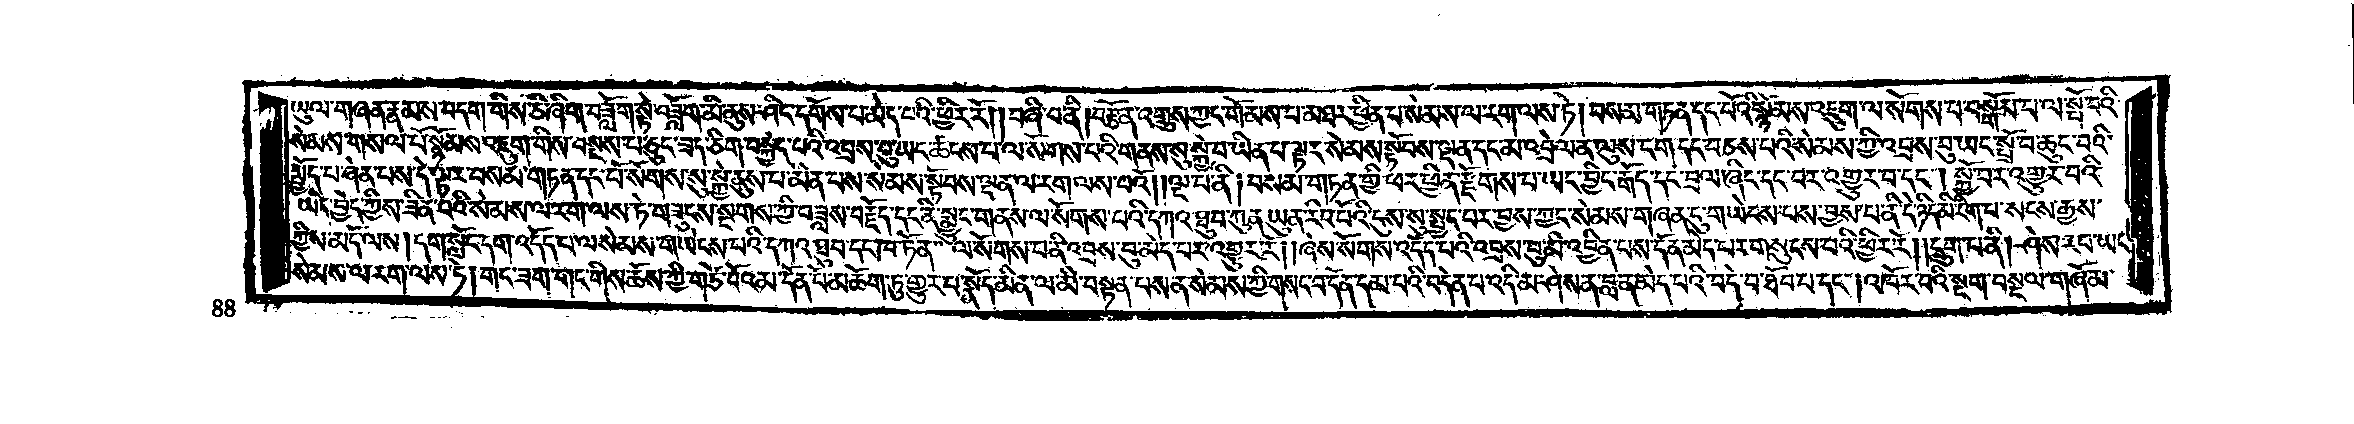ཡུལ་གཞན་རྣམས་བདག་གིས་ཅི་ཞིག་བཟློག་སྟེ་བཟློག་མི་ནུས་ཤིང་དགོས་པ་མེད་པའི་ཕྱིར་རོ། །བཞིན་པོ་ནི། བརྩོན་འགྲུས་ཀྱང་གོམས་པ་མཐར་ཕྱིན་པ་སེམས་ལ་རག་ལས་ཏེ། བསམ་གཏན་དང་པོའི་སྙོམས་འཇུག་ལ་སོགས་པ་བསྒོམ་པ་ལ་སྤོ་བའི་
སེམས་གསལ་པོ་སྙོམས་འཇུག་གིས་བསྔས་པ་ཅུང་ཟད་ཅིག་བསྐྱེད་པའི་འབྲས་བུ་ཡང་ཚངས་པ་ལ་སོགས་པའི་གནས་སུ་སྐྱེ་བ་ཡིན་པ་ལྟར་སེམས་སྟོབས་ལྡན་དང་མ་འབྲེལ་ན་ལུས་ངག་དང་བཅས་པའི་སེམས་ཀྱི་འབྲས་བུ་ཡང་སྤྲོ་བ་ཆུང་བའི་
སྤྱོད་པ་ཞེན་པས་དེ་ལྟར་བསམ་གཏན་དང་པོ་སེམས་སུ་སྐྱེ་ནུས་པ་མིན་པས་སེམས་སྟོབས་ལྡན་ལ་རག་ལས་པའོ། །ལྔ་པ་ནི། བསམ་གཏན་གྱི་ཕར་ཕྱིན་རྫོགས་པ་ཡང་བྱིང་རྒོད་དང་བྲལ་ཞིང་དང་བར་འགྱུར་བ་དང་། སྐྱོ་བར་འགྱུར་བའི་
ཡིད་བྱེད་ཀྱིས་ཟིན་པའི་སེམས་ལ་རག་ལས་ཏེ་གཟུངས་སྔགས་ཀྱི་བཟླས་བརྗོད་དང་ནི་སྨྱུང་གནས་ལ་སོགས་པའི་དཀའ་ཐུབ་ཀུན་ཡུན་རིང་པོའི་དུས་སུ་སྤྱད་པར་བྱས་ཀྱང་སེམས་གཞན་དུ་གཡེངས་པས་བྱས་པ་ནི་དེ་ཉིད་མི་རིག་པ་སངས་རྒྱས་
ཀྱིས་མདོ་ལས། དག་སློང་དག་འདོད་པ་ལ་སེམས་གཡེངས་པའི་དཀའ་ཐུབ་དང་ཁ་ཏོན་ལ་སོགས་པ་ནི་འབྲས་བུ་མེད་པར་འགྱུར་རོ། །ཞེས་སོགས་འདོད་པའི་འབྲས་བུ་མི་འབྱིན་པས་དོན་མེད་པར་གསུངས་པའི་ཕྱིར་རོ། །དྲུག་པ་ནི། ཤེས་རབ་ཡང་
སེམས་ལ་རག་ལས་ཏེ། གང་ཟག་གང་གིས་ཆོས་ཀྱི་གཙོ་བོའམ་དོན་པོ་མཆོག་ཏུ་གྱུར་པ་སྣོད་མིན་ལ་མི་བསྟན་པས་ན་སེམས་ཀྱི་གསང་བ་དོན་དམ་པའི་བདེན་པ་འདི་མ་ཤེས་ན་བླ་ན་མེད་པའི་བདེ་བ་ཐོབ་པ་དང་། འཁོར་བའི་སྡུག་བསྔལ་གཞོམ་